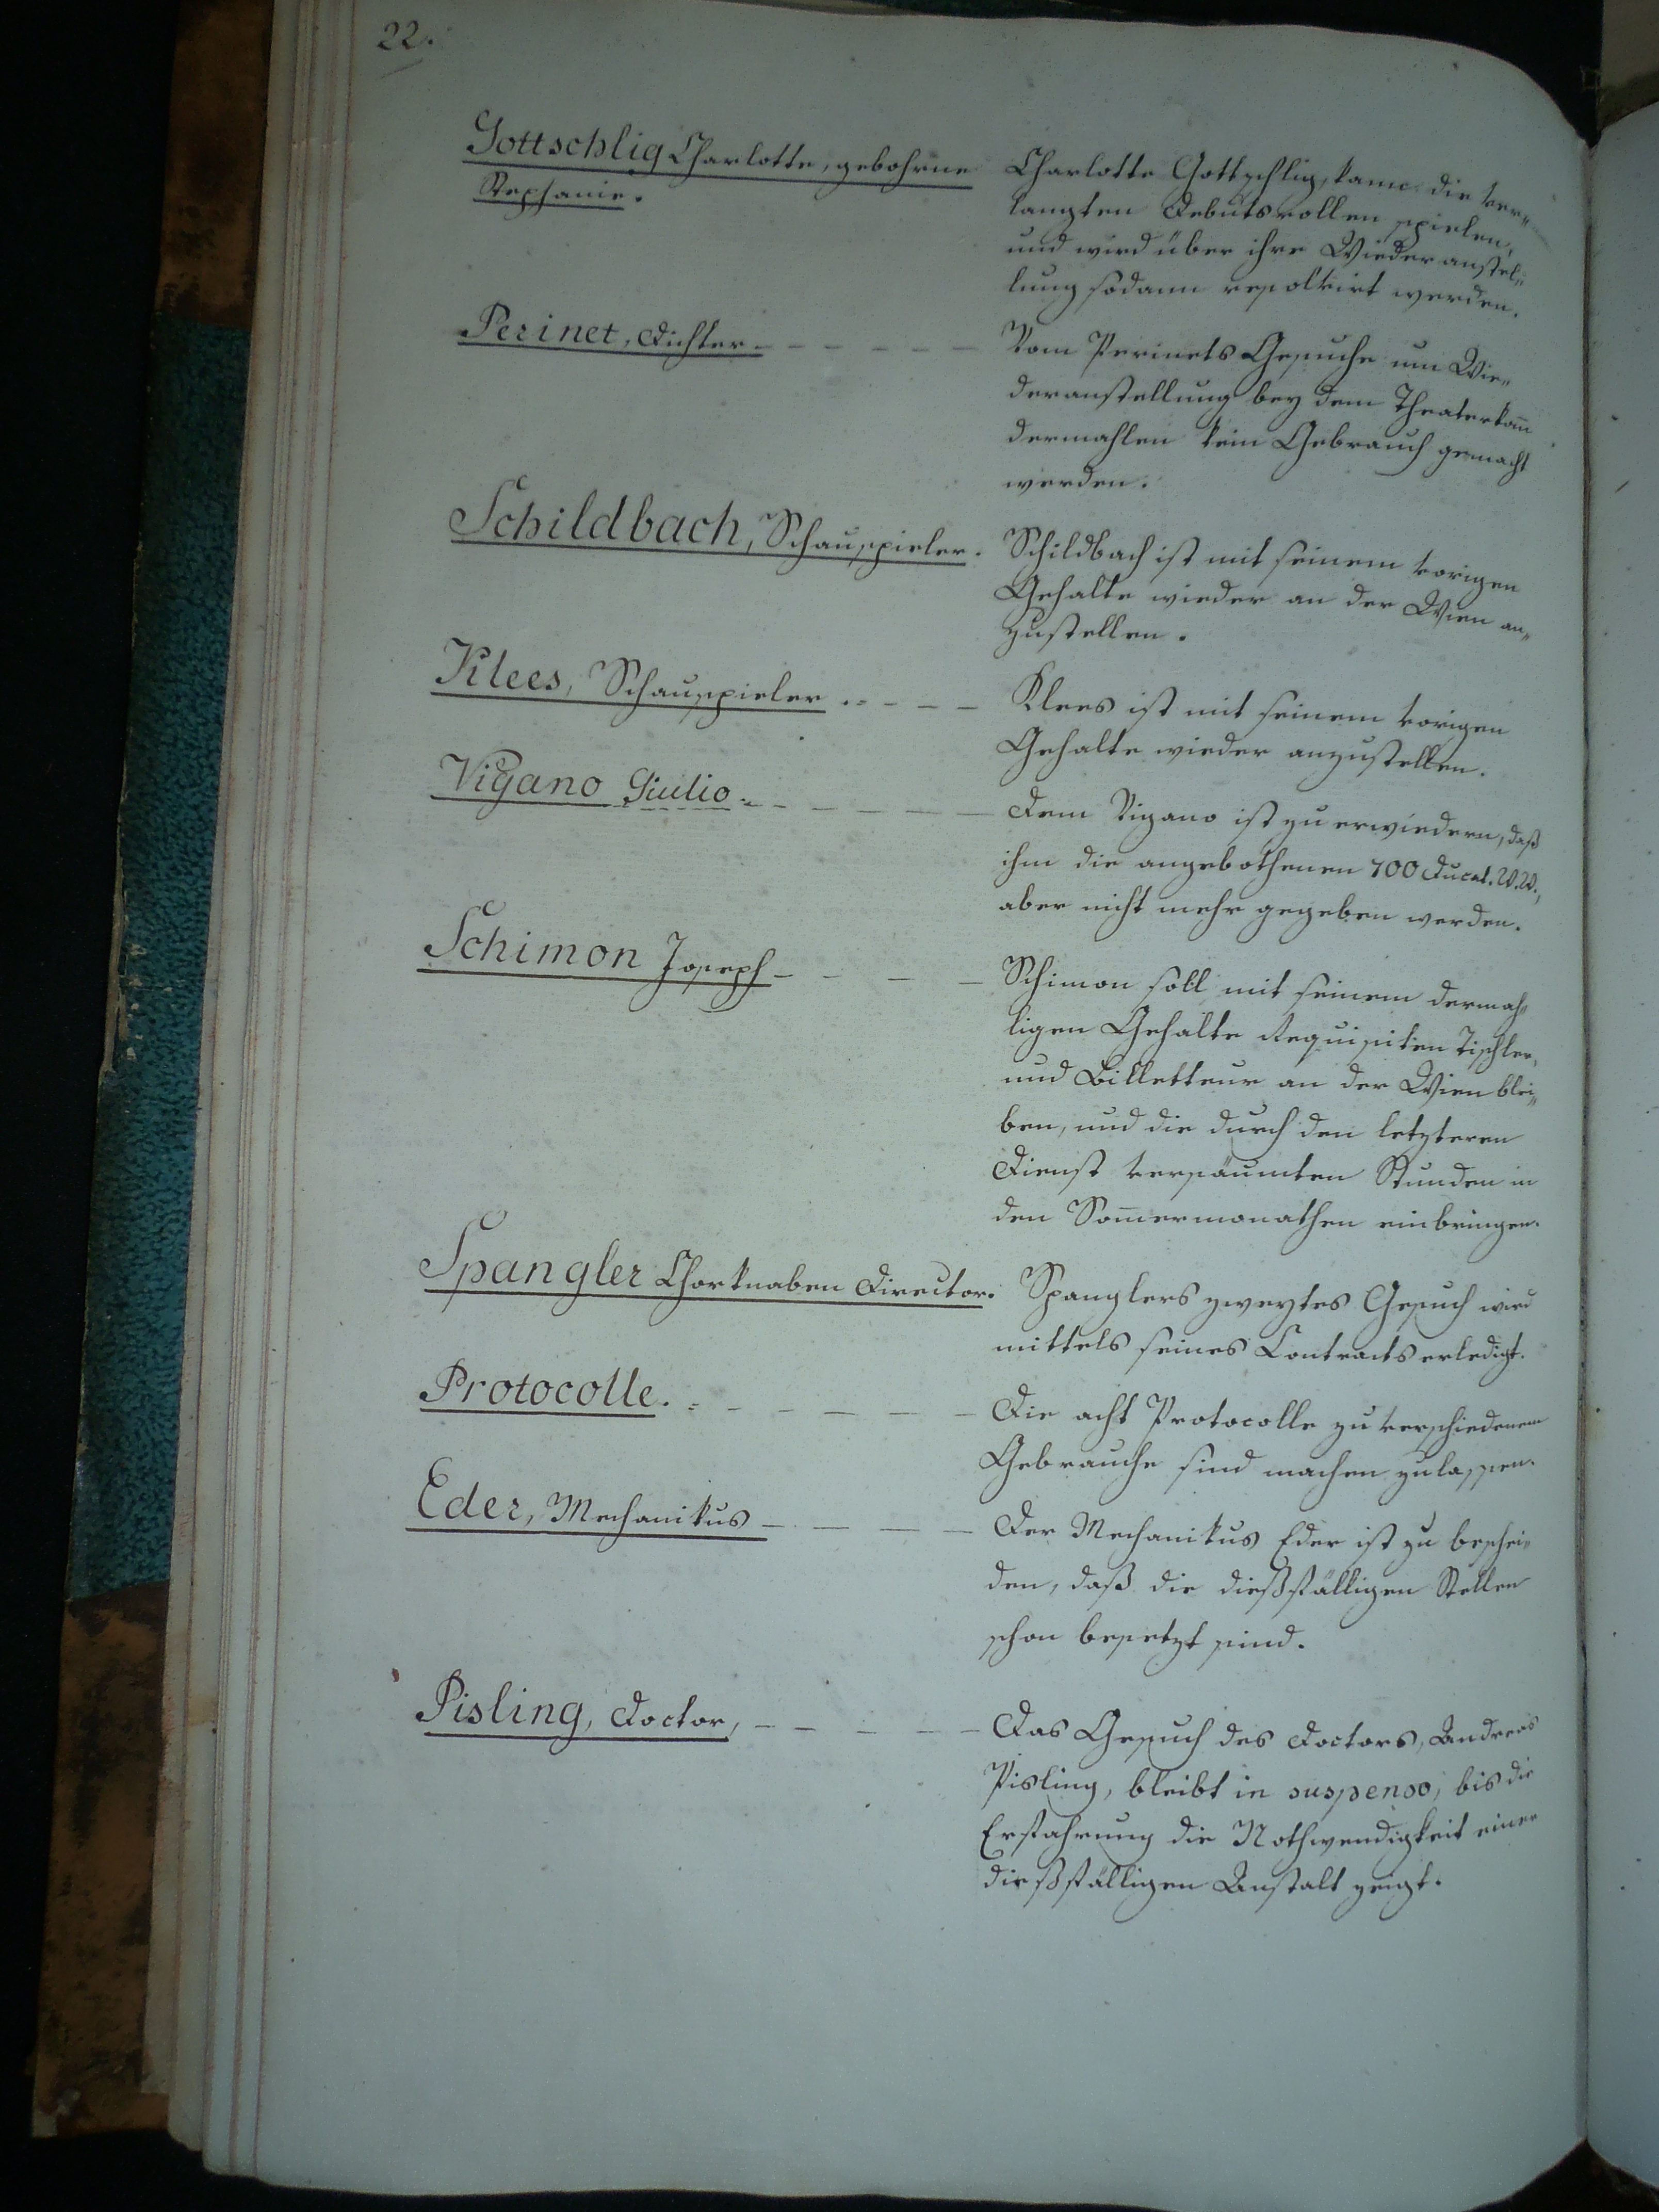22.
Gottschlig Charlotte, gebohren
Stephanie.
Charlotte Gottschlig, kann die ver¬
langten Debutsrollen spielen,
und wird über ihre Wiederanstel¬
lung sodann resolvirt werden.
Perinet, Dichter _ _ _ _ _ _ Vom Perinets Gesuche um Wie¬
deranstellung bey dem Theaterkan̅
dermahlen kein Gebrauch gemacht
werden.
Schildbach, Schauspieler. Schildbach ist mit seinem vorigen
Gehalte wieder an der Wien an¬
zustellen.
Klees, Schauspieler . _ _ _ _ Klees ist mit seinem vorigen
Gehalte wieder anzustellen.
Vigano Giulio _ _ _ _ _ _ Dem Vigani ist zu erwiedern, daß
ihm die angebothenen 700 Ducat.W.W.,
aber nicht mehr gegeben werden.
Schimon Joseph _ _ _ _ Schimon soll mit seinem dermah¬
ligen Gehalte Requisiten Tischler,
und Billeteur an der Wien blei¬
ben, und die durch den letzteren
Dienst versäumten Stunden in
den Som̅ermonathen einbringen.
Spangler Chorknaben Director. Spanglers zweytes Gesuch wird
mittels seines Contracts erledigt.
Protocolle . : _ _ _ _ _ Die acht Protocolle zu verschiedenem
Gebrauche sind machen zulassen.
Eder, Mechanikus _ _ _ _ Der Mechanikus Eder ist zu beschei¬
den, daß die dießfälligen Stellen
schon besetzt sind.
Pisling, Doctor, _ _ _ _ _ Das Gesuch des Doctors, Andreas
Pisling, bleibt in suspenso, bis die
Erfahrung die Nothwendigkeit einer
dießfälligen Anstalt zeigt.